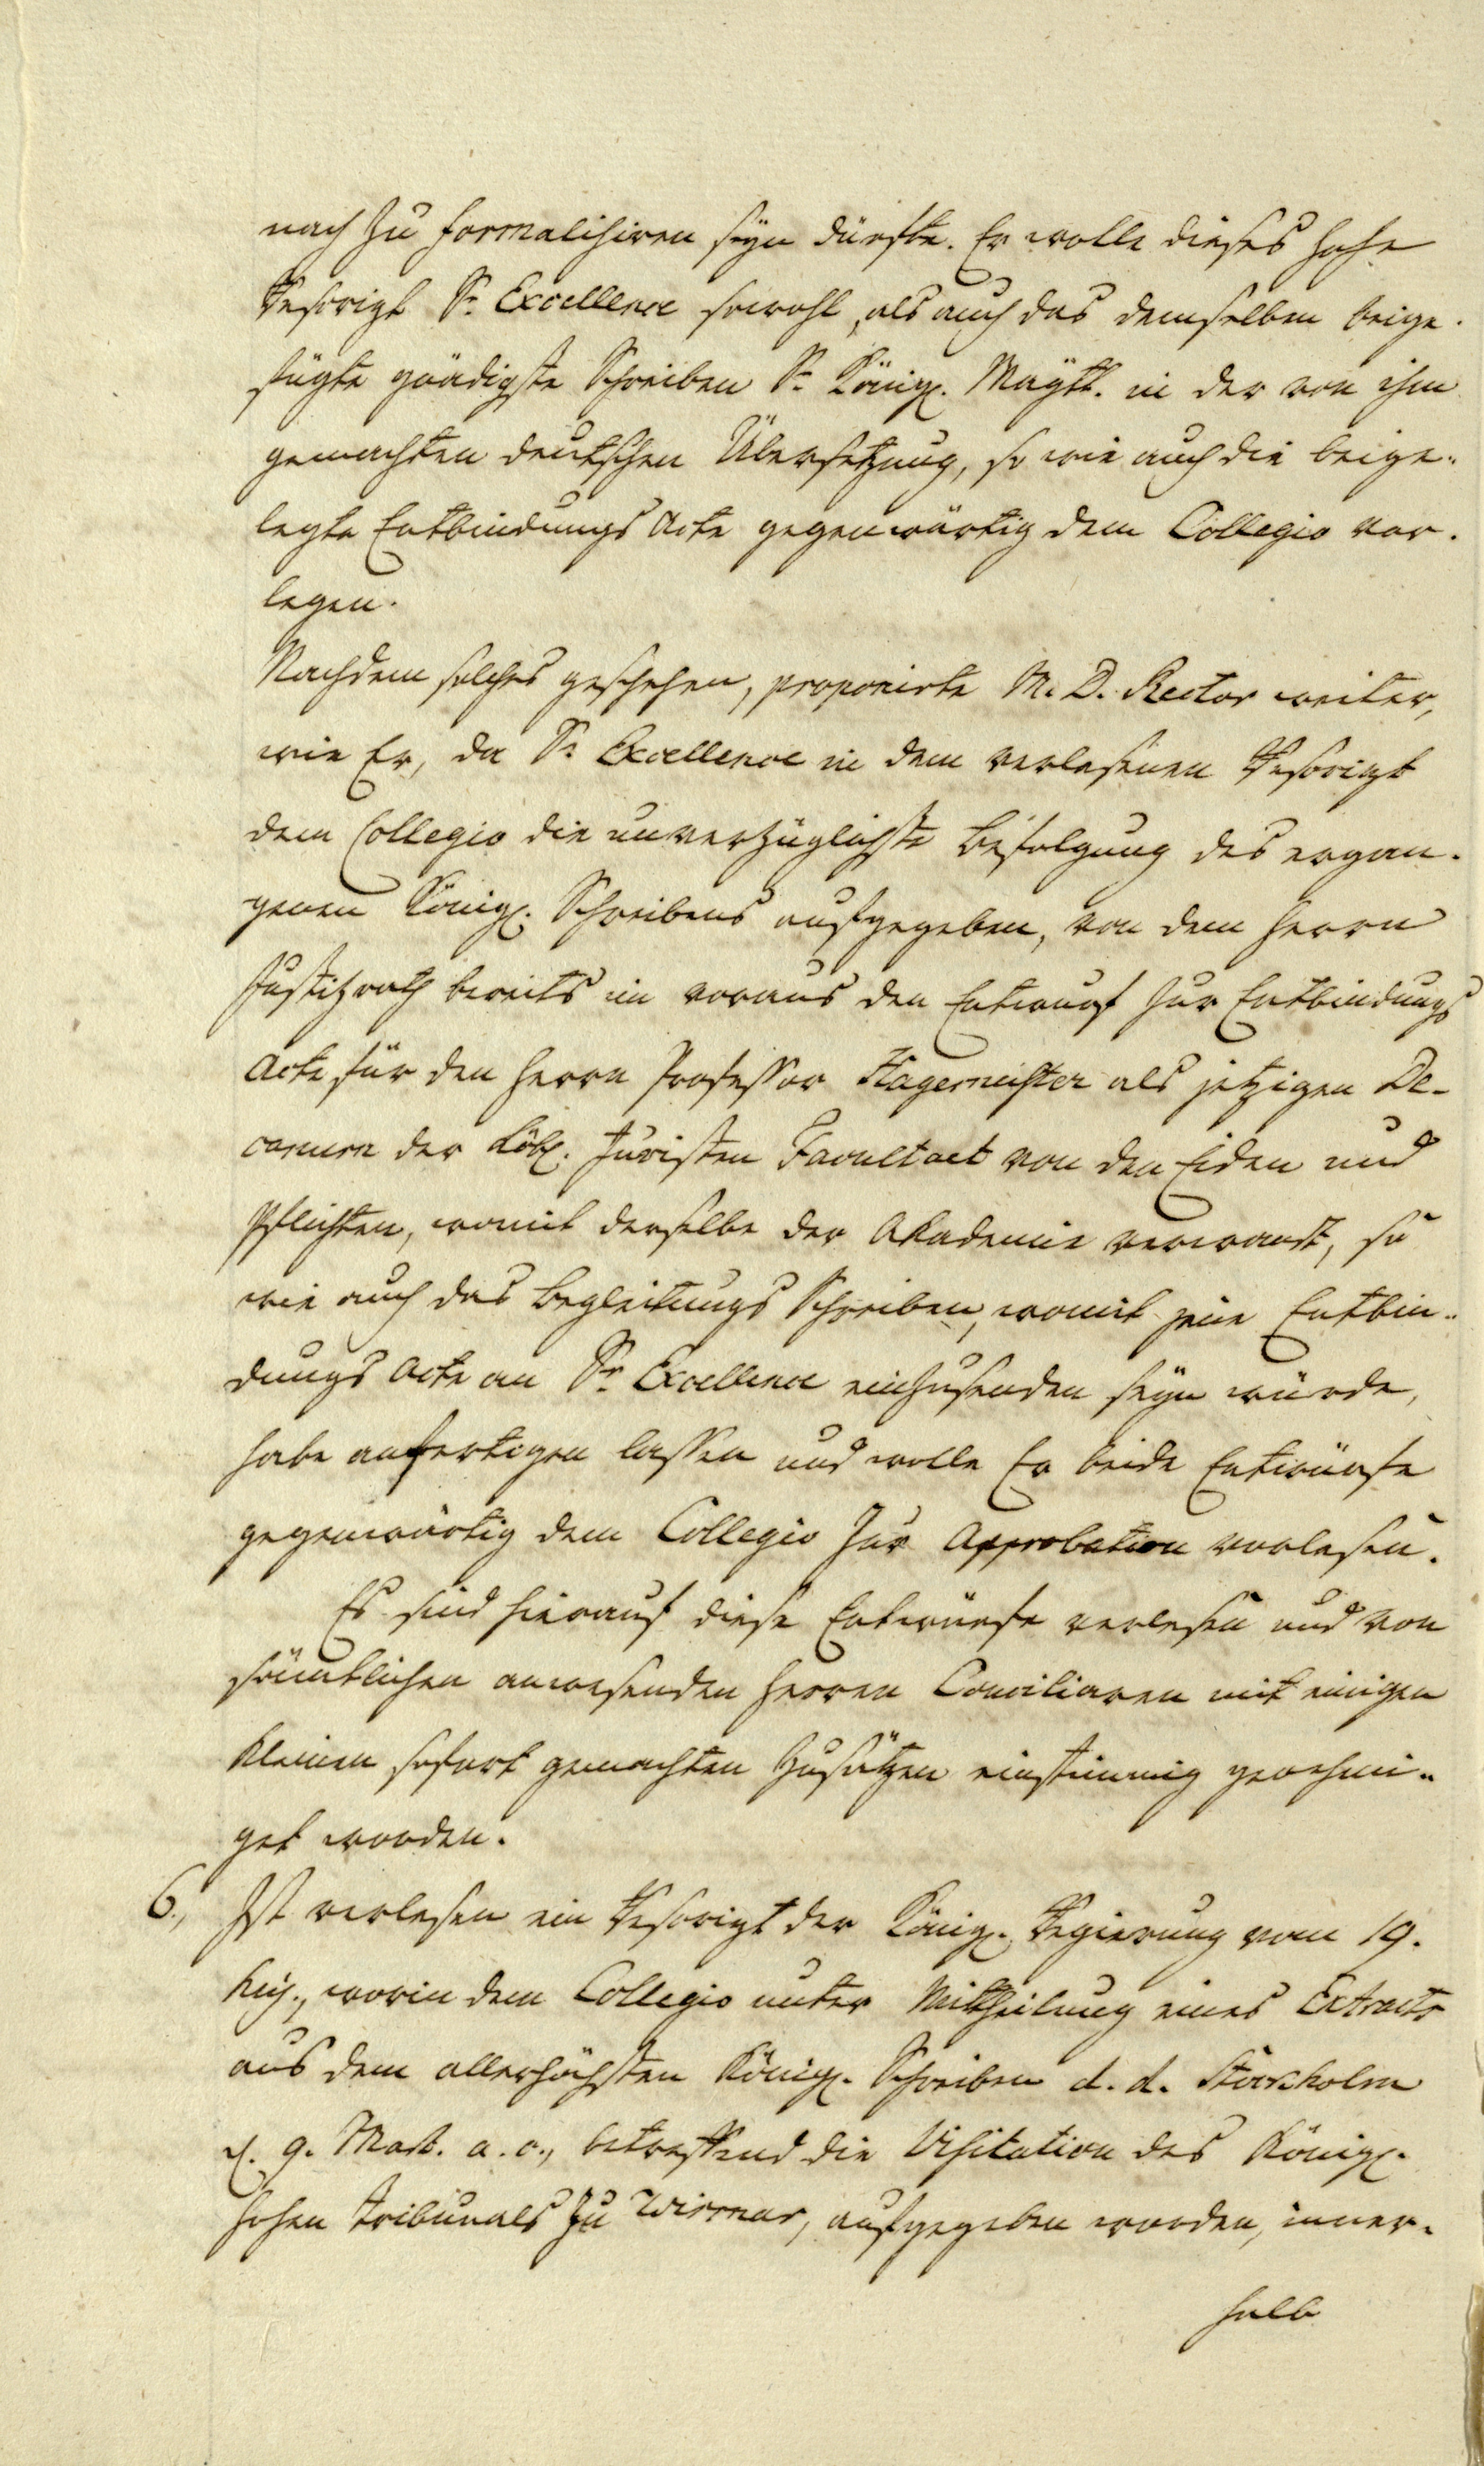nach zu formalisiren seÿn dürfte. Er wolle dieses hohe
Rescript Sr. Excellence sowohl, als auch das demselben beige¬
fügte gnädigste Schreiben Sr. Königl. Maÿtt. in der von ihm
gemachten deutschen Übersetzung, so wie auch die beige¬
legte Entbindungs Acte gegenwärtig dem Collegio vor¬
legen.
Nachdem solches geschehen, proponirte M. D. Rector weiter,
wie Er, da Sr. Excellence in dem verlesenen Rescript
dem Collegio die unverzüglichste Befolgung des ergan¬
genen Königl. Schreibens aufgegeben, von dem herrn
Justizrath bereits im voraus den Entwurf zur Entbindungs
Acte für den herrn Professor Hagemeister als jetzigen De¬
canum der Löbl. Juristen Facultaet von den Eiden und
Pflichten, womit derselbe der Akademie verwandt, so
wie auch das Begleitungs Schreiben, womit jene Entbin¬
dungs Acte an Sr. Excellence einzusenden seÿn würde,
habe anfertigen lassen und wolle Er beide Entwürfe
gegenwärtig dem Collegio zur Approbation vorlesen.
Es sind hierauf diese Entwürfe verlesen und von
sämtlichen anwesenden herren Conciliaren mit einigen
kleinen sofort gemachten Zusätzen einstimmig genehmi¬
get worden.
6., Ist verlesen ein Rescript der Königl. Regierung vom 19.
huj., worin dem Collegio unter Mittheilung eines Extracts
aus dem allerhöchsten Königl. Schreiben d. d. Stockholm
l. 9. Mart. a. c., betreffend die Visitation des Königl.
hohen Tribunals zu Wismar, aufgegeben worden, inner¬
halb